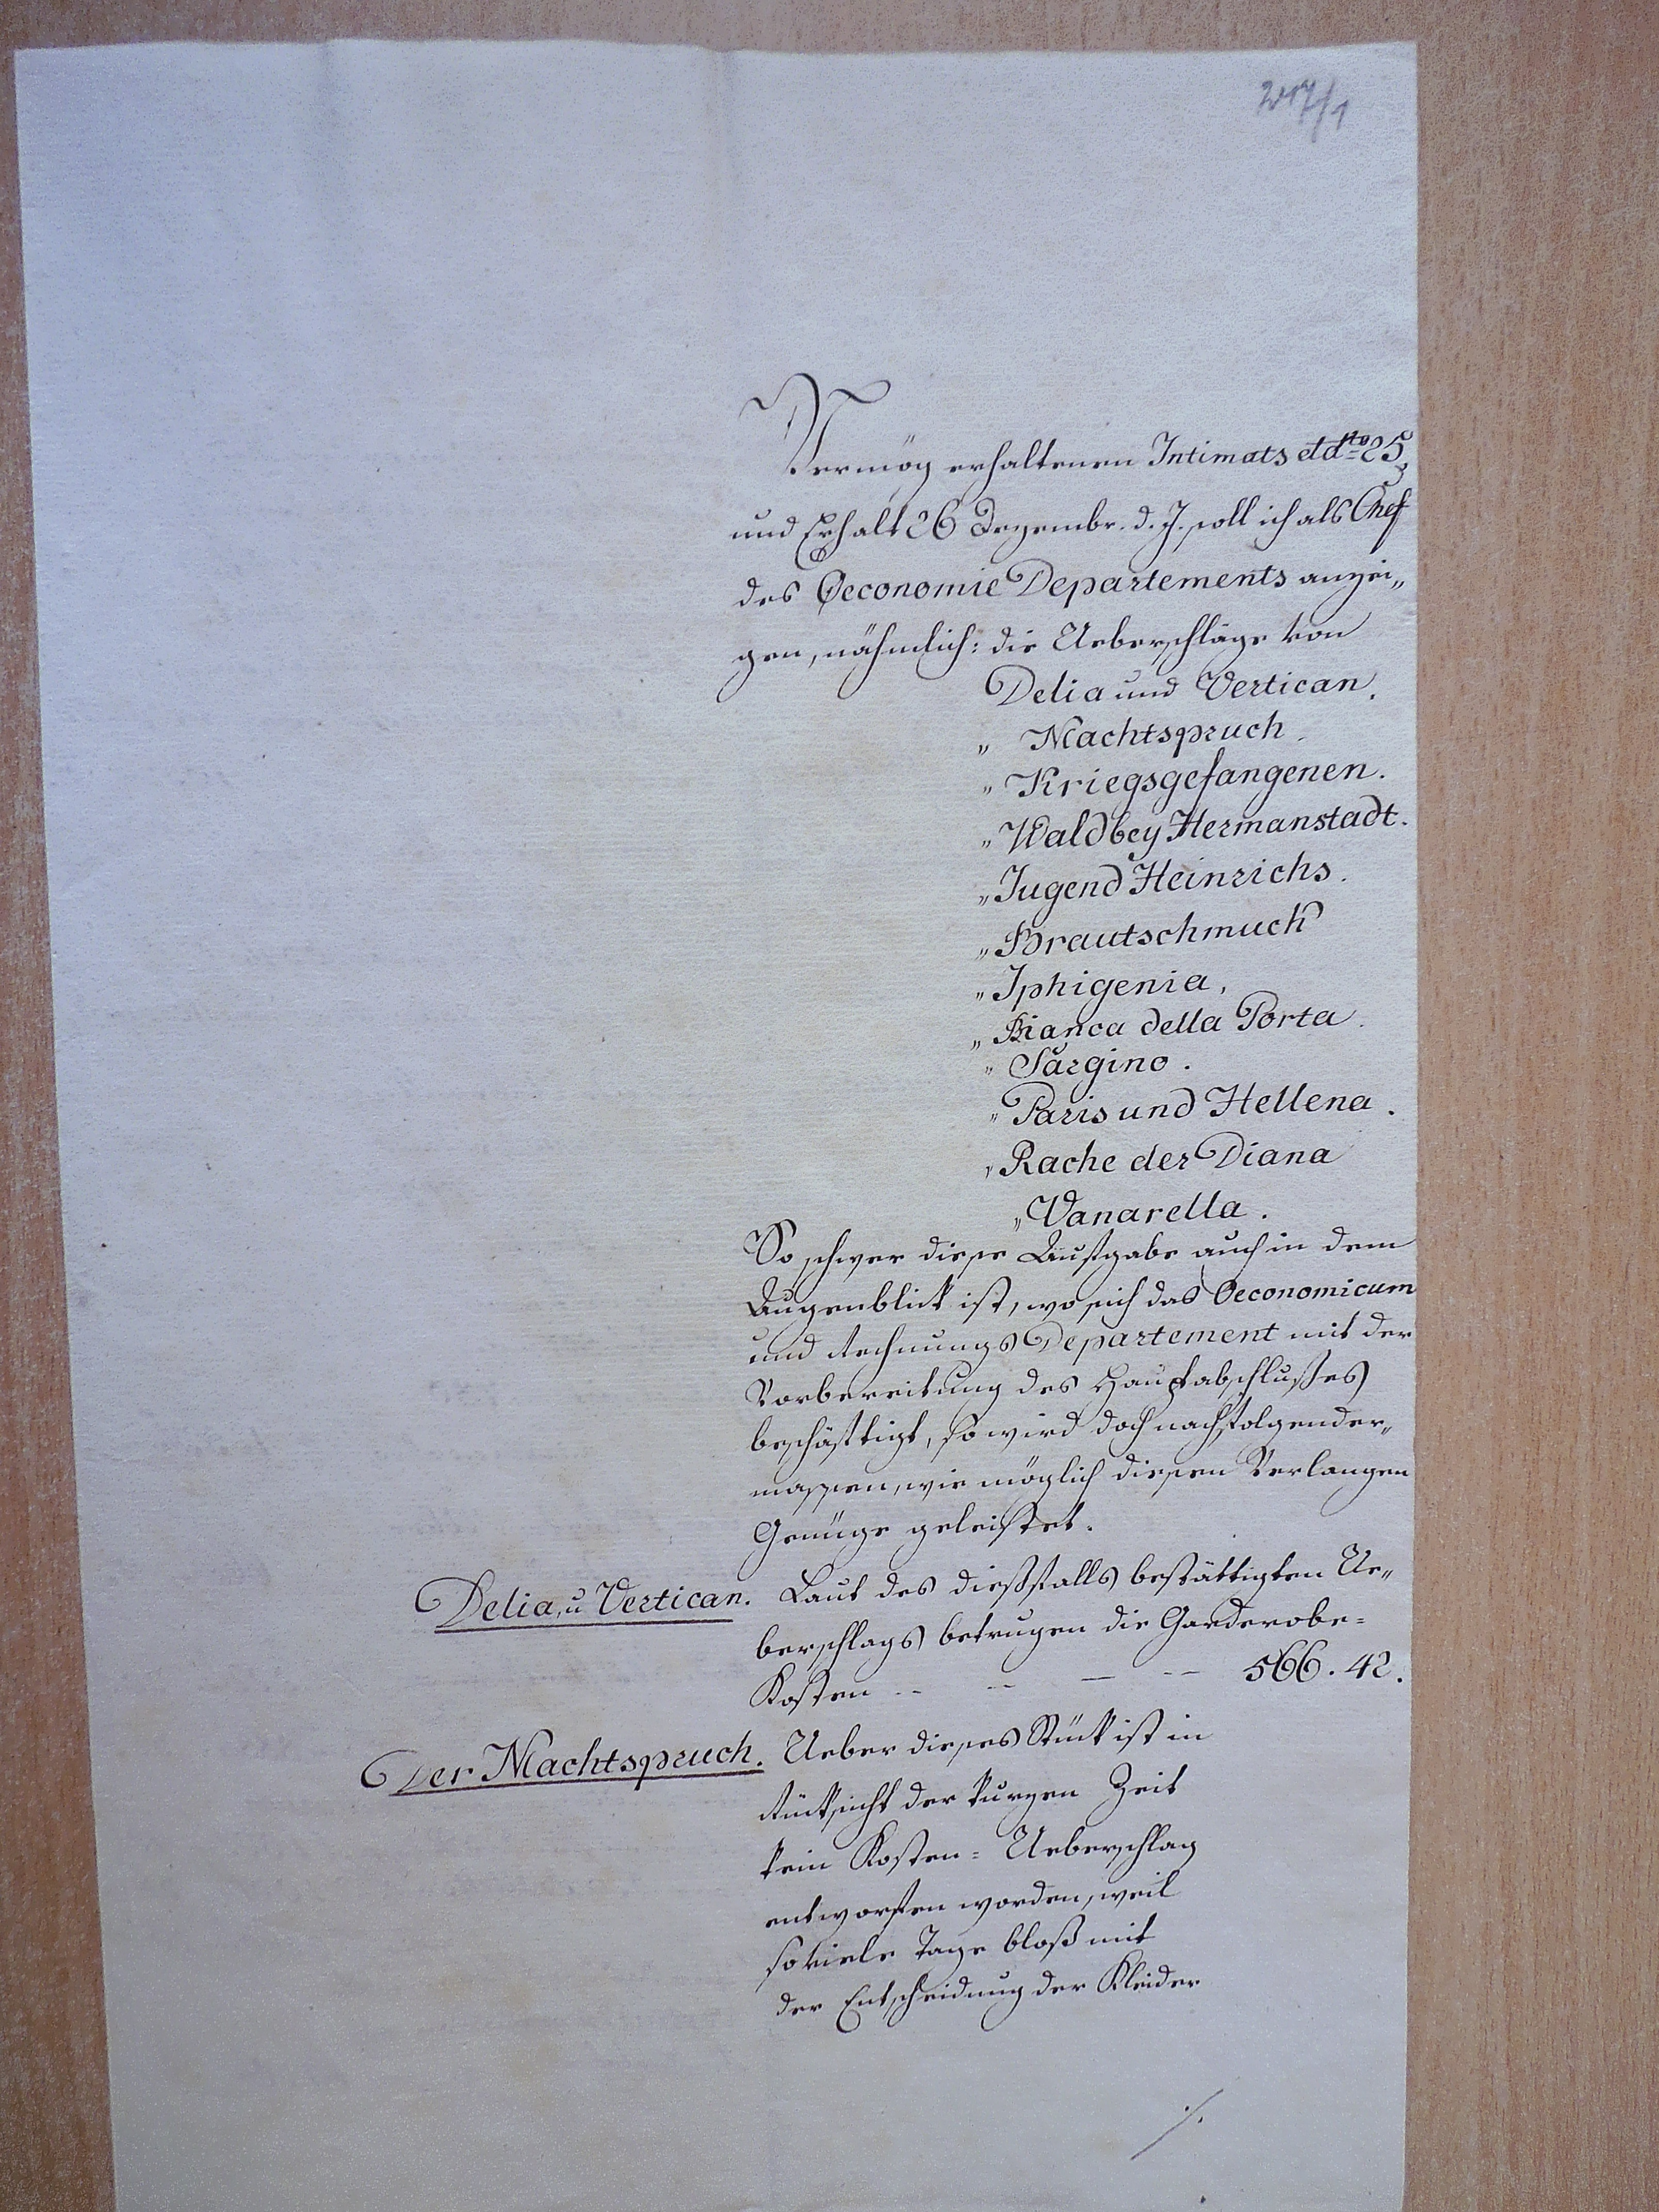247/1
Vermög erhaltenen Intimats et dto̳ 25,
und Erhalt 26 Dezember d.J. soll ich als Chef
des Oeconomie Departements anzei¬
gen, nähmlich die Ueberschläge von
Delia und Vertican.
" Nachtspruch.
" Kriegsgefangenen.
" Wald bey Hermanstadt.
" Jugend Heinrichs.
" Brautschmuck
" Iphigenia,
" Bianca della Porta.
" Sargino.
" Paris und Hellena.
" Rache der Diana
" Vandarella.
So schwer diese Aufgabe auch in dem
Augenblick ist, wo sich das Oeconomicum
und Rechnungs Department mit der
Vorbereitung des Hauptabschlußes
beschäftigt, so wird doch nach folgender¬
massen, wir möglich diesen Verlangen
Genüge geleistet.
Delia, u Vertican. Laut des dießfalls bestättigten Ue¬
berschlags betrugen die Garderobe¬
Kosten .. .. .. .. 566. 42.
Der Machtspruch. Ueber dieses Stück ist in
Rücksicht der kurzen Zeit
kein Kosten= Ueberschlag
entworfen worden, weil
soviele Tage bloß mit
der Entscheidung der Kleider